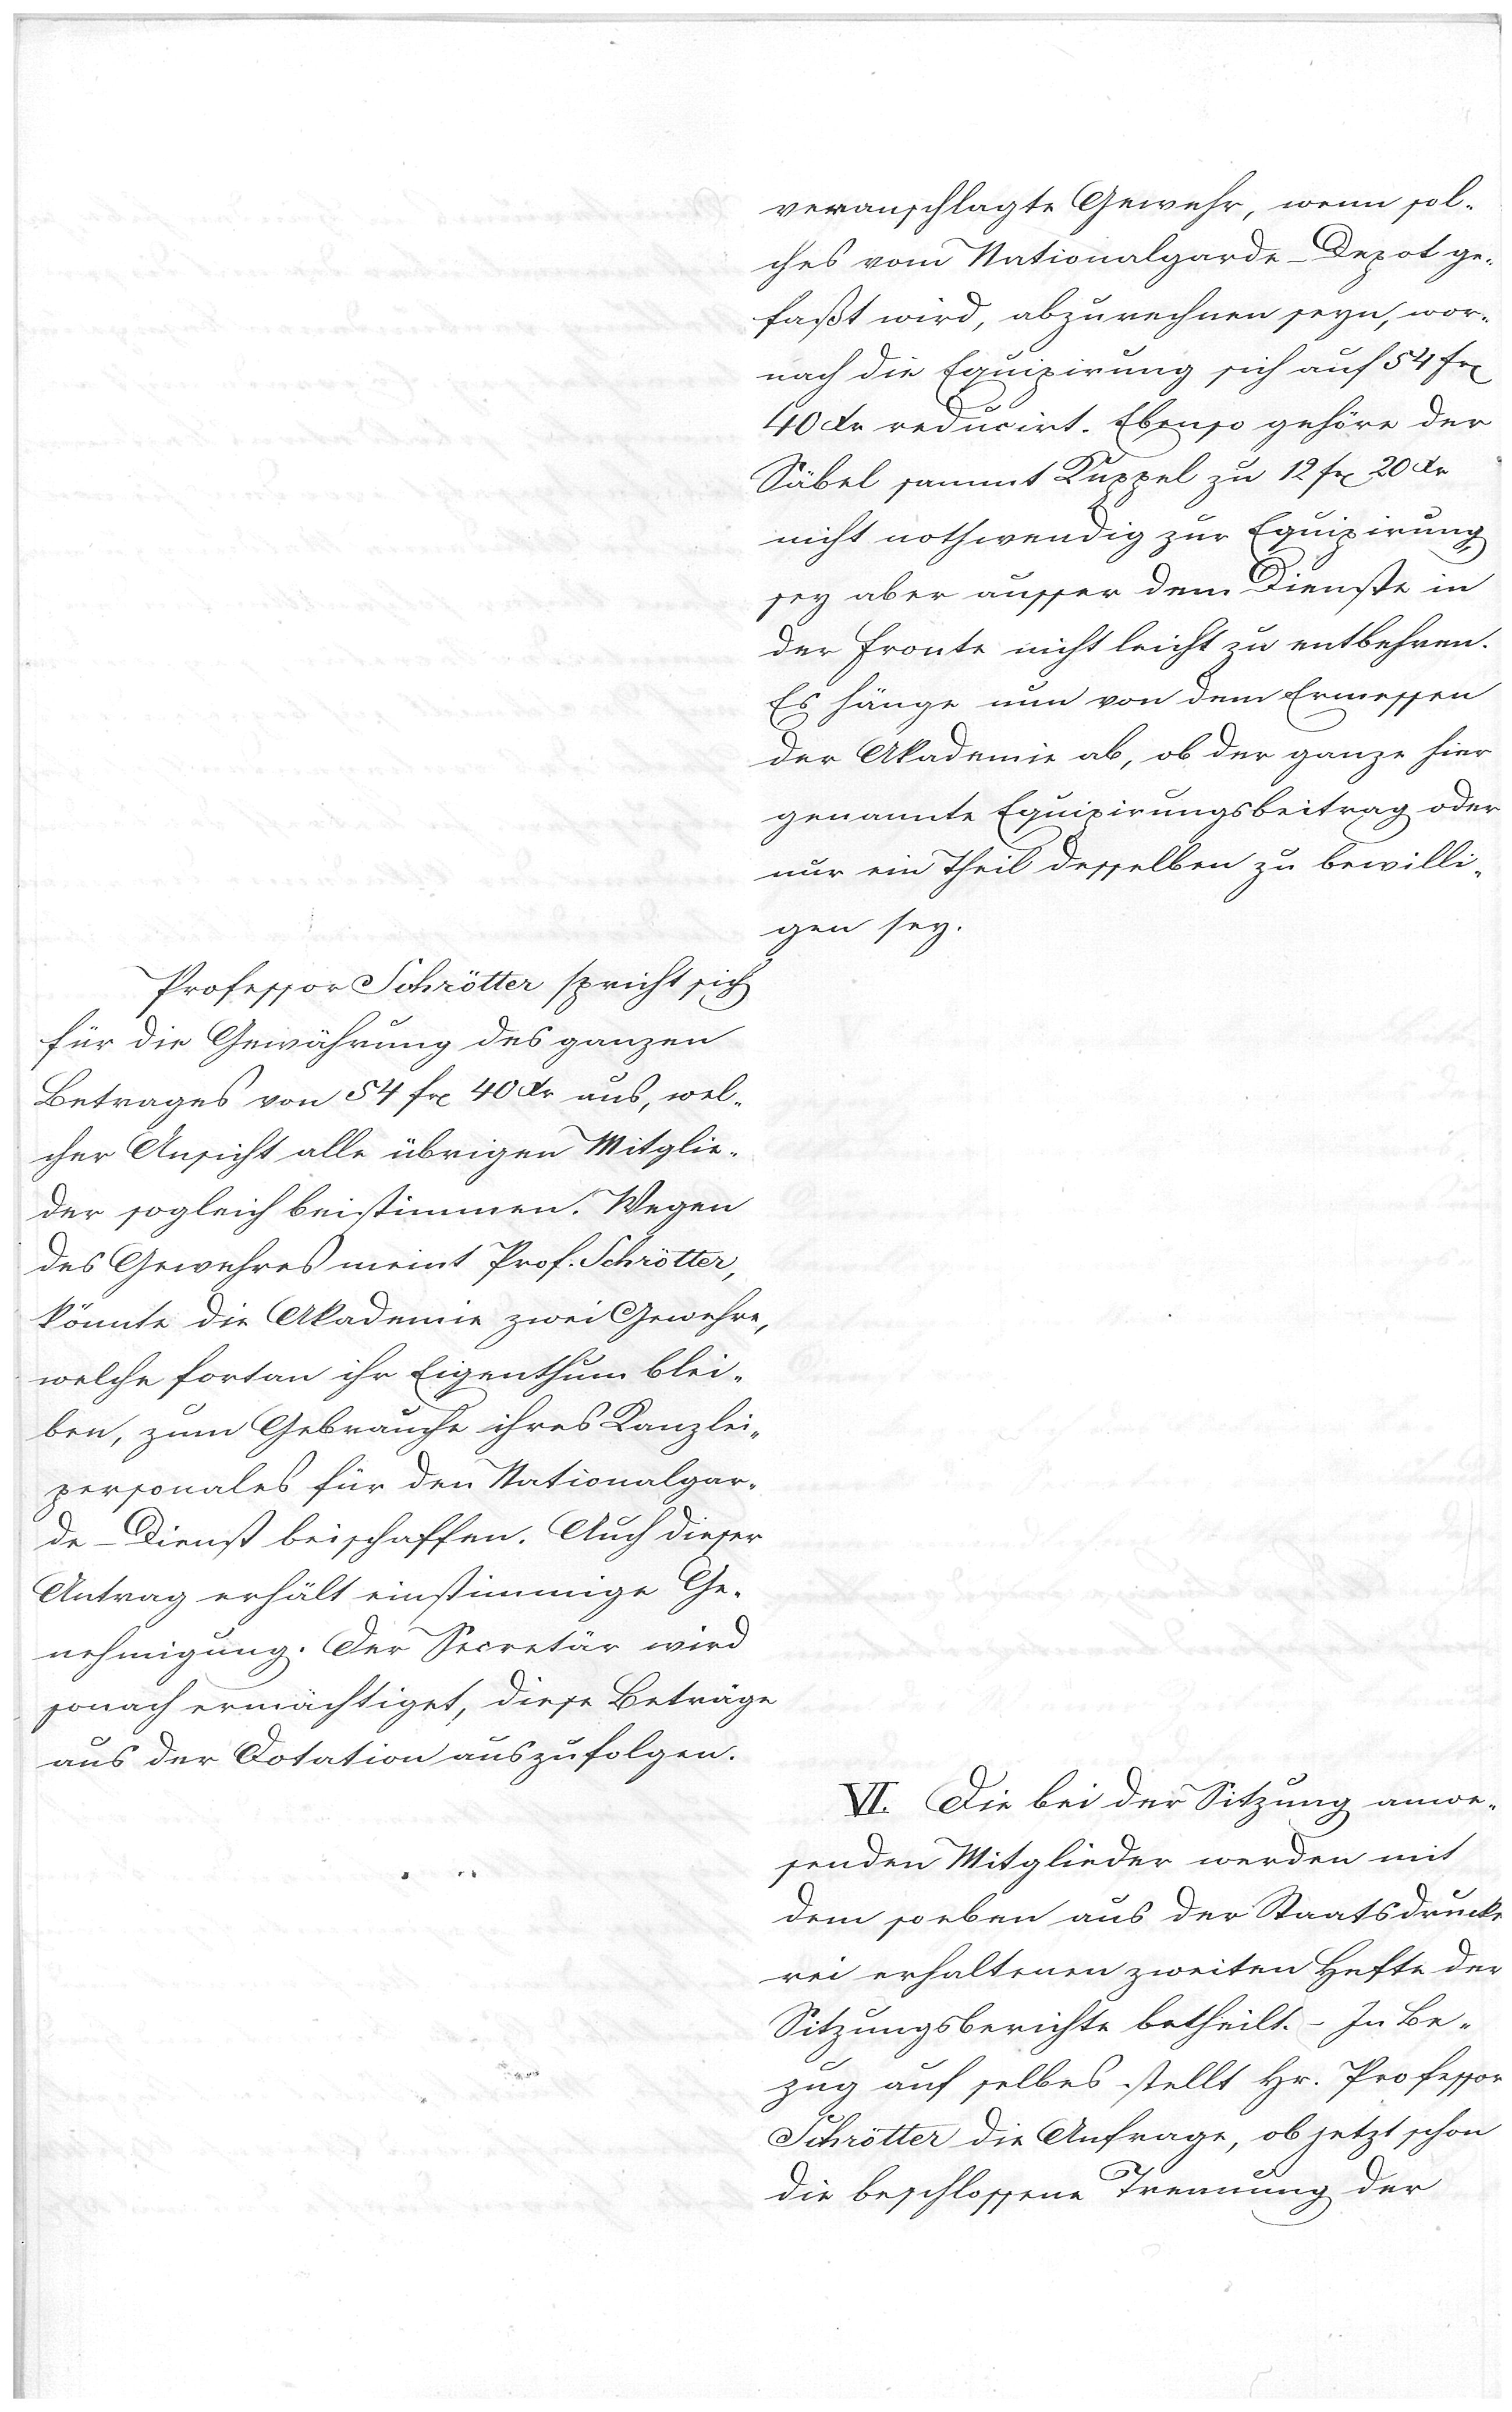veranschlagte Gewehr, wenn sol-
ches vom Nationalgerde-Depot ge-
faßt wird, abzurechnen seyn, wor-
nach die Equipirung sich auch so 54 fl
40 kr reducirt. Ebenso gehören der
Säbel sammt Kuppel zu 12 fl 20 kr
nicht nothwendig zur Equipirung
sey aber ausser dem Dienste in
der Fronte nicht leicht zu entbehren.
Es hänge nun von den Ermessen
der Akademie ab, ob der ganze hier
genannt Equipirungsbeitrag oder
nur ein Theil desselben zu bewilli-
gen sey.
Professo rSchrötter spricht sich
für die Gewähnung des ganzen
Betrages von 54 fl 40 kr aus, wel-
cher Ansicht alle übrigen Mitglie-
der sogleich beistimmen. Wegen
des Gewehres meint Prof. Schrötter,
könnte die Akademie zwei Gewehre,
welche fortan ihr Eigenthum blei-
ben, zum Gebrauche ihres Kanzlei-
personales für den Nationalgar-
de-Dienst beischaffen. Auch dieser
Antrag erhält einstimmige Ge-
nehmigung. Der Secretär wird
sonach ermächtiget, diese Beträge
aus der Dotation auszufolgen.
VI. Die bei der Sitzung anwe-
senden Mitglieder werden mit
dem soeben aus der Staatsdrucke-
rei erhaltenen zweiten Hefte der
Sitzungsberichte betheilt. In Be-
zug auf selbes stellt Hr. Professor
Schrötter die Anfrage, ob jetzt schon
die beschlossene Trennung der